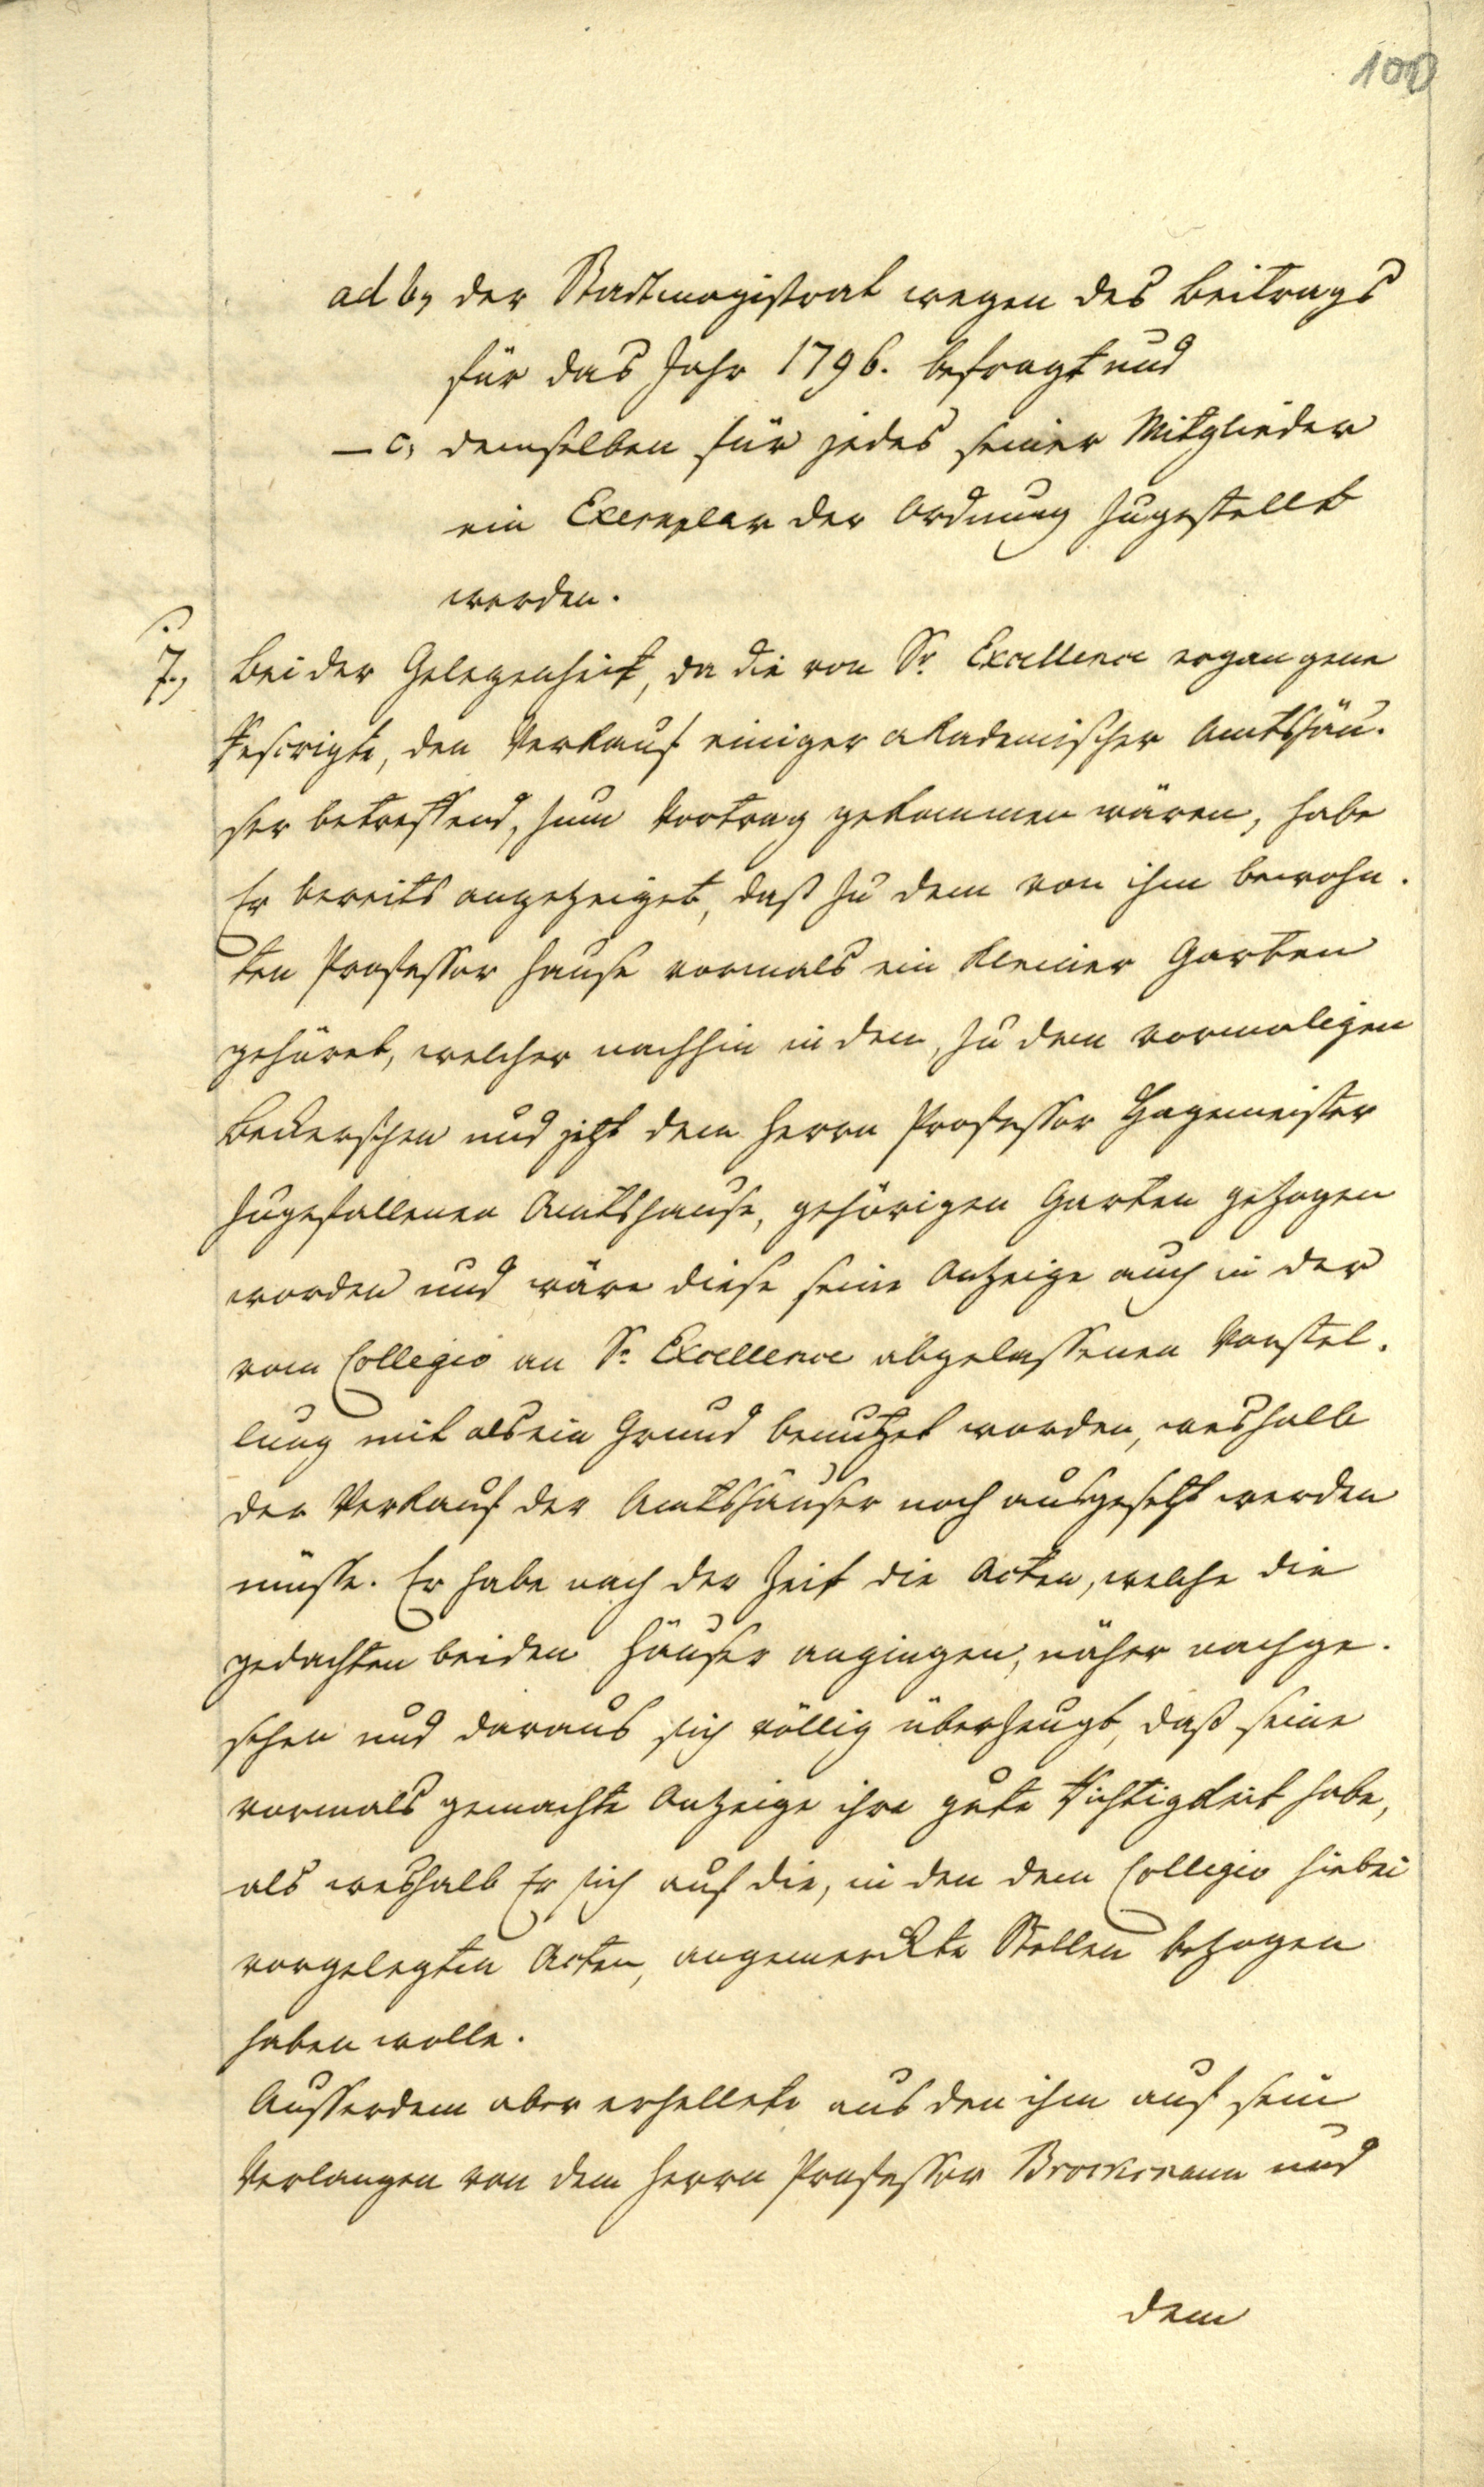ad b., der Stadtmagistrat wegen des Beitrags
für das Jahr 1796. befragt und
c, demselben für jedes seiner Mitglieder
ein Exemplar der Ordnung zugestellt
werden.
7., Bei der Gelegenheit, da die von Sr Excellence ergangene
Rescripte, den Verkauf einiger akademischer Amtshäu¬
der betreffend, zum Vortrag gekommen wären, habe
Er bereits angezeiget, daß zu dem von ihm bewohn-
ten Professor hause vormals ein kleiner Garten
gehöret, welcher nachhin in dem zu dem vormaligen
Beckerschen und jetzt dem Herrn Professor Hagemeister
zugefallenen Amtshause, gehörigen Garten gezogen
worden und wäre diese seine Anzeige auch in der
vom Collegio an Sr. Excellence abgelassenen Vorstel¬
lung mit als ein Grund benutzet worden, weshalb
den Verkauf der Amtshäuser noch ausgesetzt werden
müsse. Er habe nach der Zeit die Acten, welche die
gedachten beiden Häuser angingen, näher nachge¬
sehen und daraus sich völlig überzeugt, daß seine
vormals gemachte Anzeige ihre gute Richtigkeit habe,
als weshalb Er sich auf die, in den dem Collegio hiebei
vorgelegten Acten angemerckte Stellen bezogen
haben wolle.
Ausserdem aber erhellete aus den ihm auf sein
Verlangen von dem Herrn Professor Brockmann und
dem